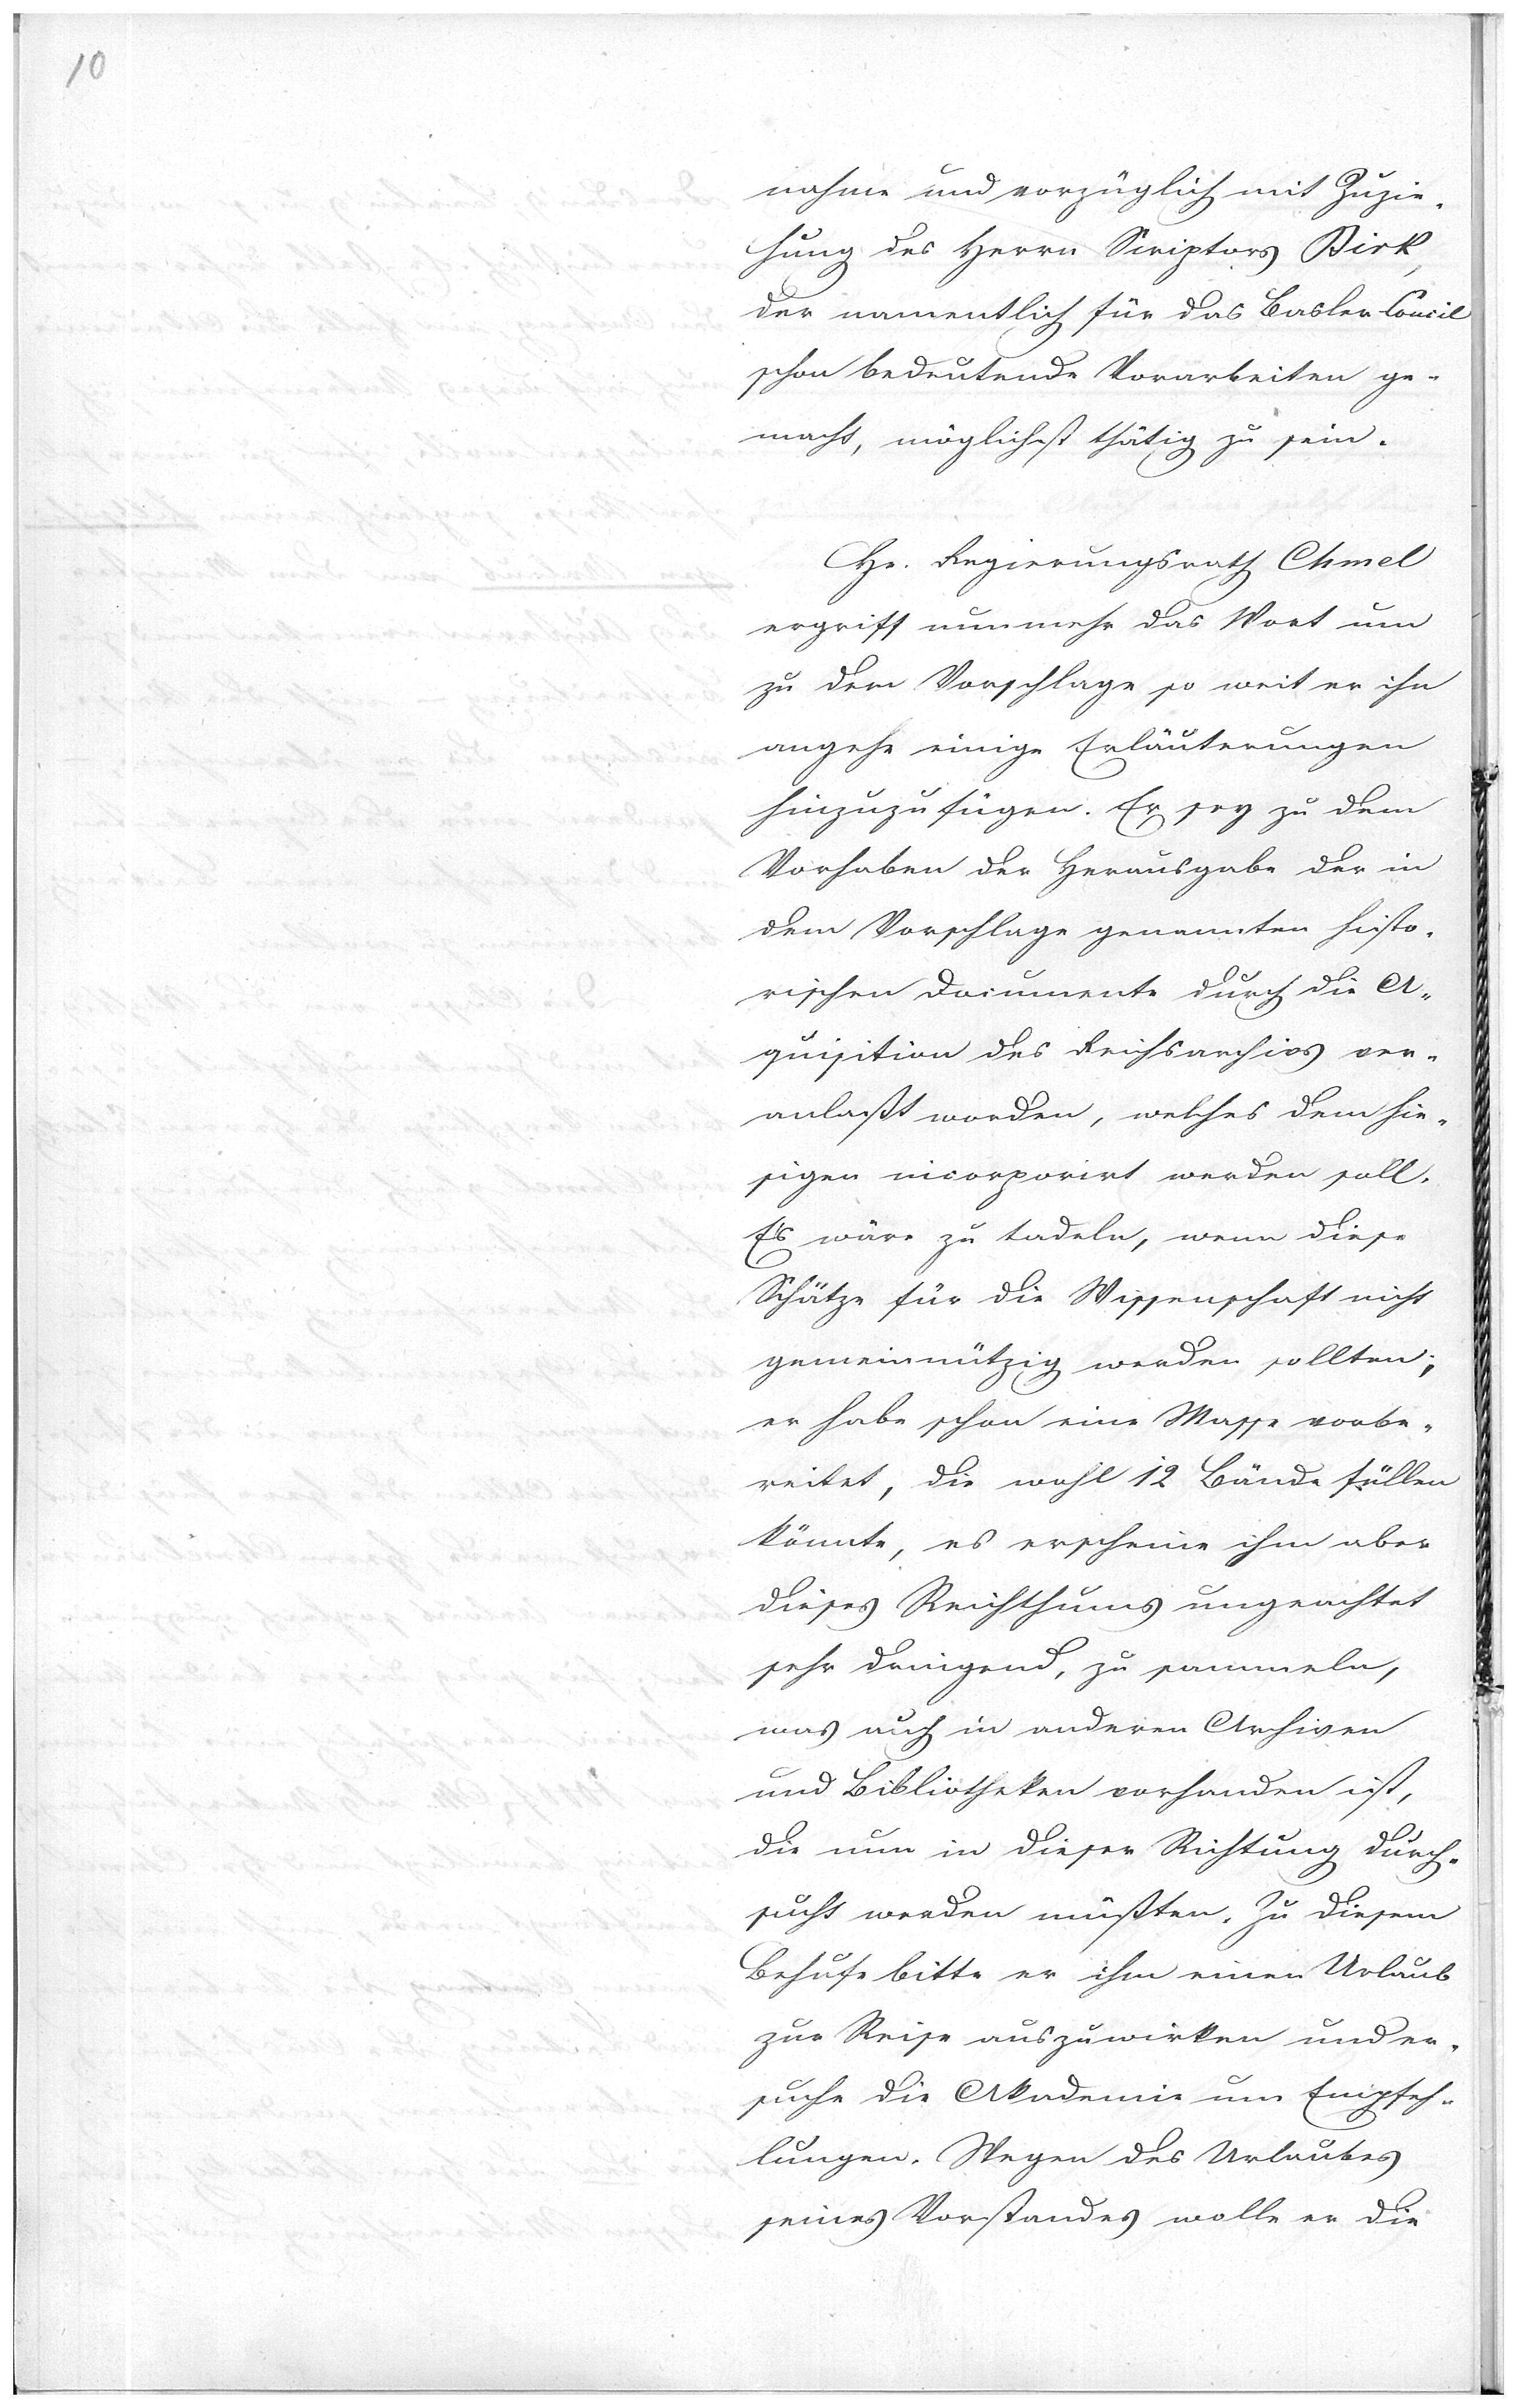nahme und vorzüglich mit Zuzie-
hung des Herrn Scriptors Birk
der namentlich für das Basler Concil
schon bedeutende Vorarbeiten ge-
macht, möglichst thätig zu sein.
Hr. Regierungsrath Chmel
ergriff nunmehr das Wort um
zu dem Vorschlage so weit er ihn
angehe einige Erläuterungen
hinzuzufügen. Er sey zu dem
Vorhaben der Herausgabe der in
dem Vorschlage genannten histo-
rischen Documente durch die A-
quisition des Reichsarchivs ver-
anlaßt worden, welches dem hie-
sigen incorporirt werden soll.
Es wäre zu tadeln, wenn diese
Schätze für die Wissenschaft nicht
gemeinnützig werden sollten;
er habe schon eine Masse vorbe-
reitet, die wohl 12 Bände füllen
könnte, es erscheine ihm aber
dieses Reichthums ungeachtet
sehr dringend, zu sammeln,
was auch in anderen Archiven
und Bibliotheken vorhanden ist,
der nun in dieser Richtung durch-
sucht werden müßten. Zu diesem
Behufe bitte er ihm einen Urlaub
zur Reise auszuwirken und er-
suche die Akademie um Empfeh-
lungen. Wegen des Urlaubes
seines Vorstandes wolle er die